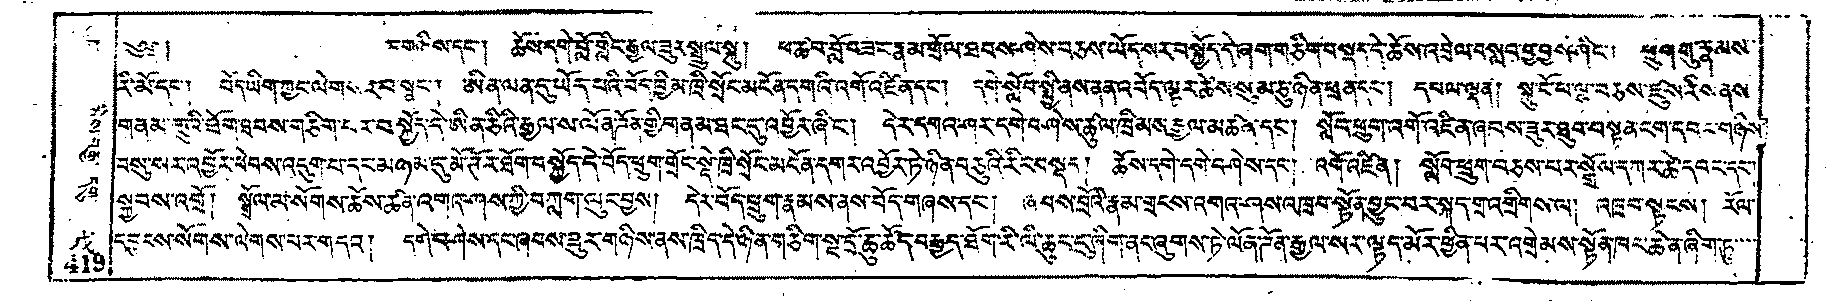༄༅། །བཅུ་གཉིས་དང་། ཆོས་དགེ་བློ་གླིང་རྒྱལ་ཟུར་སྤྲུལ་སྐུ། ཕ་ཚབ་བློ་བཟང་རྣམ་གྲོལ་ཐབས་ཤེས་བཅས་ཡོད་སར་བསྐྱོད་དེ་ཞག་གཅིག་བསྡད་དེ་ཆོས་འབྲེལ་བསླབ་བྱ་བྱས་ཤིང་། ཕྲུག་གུ་རྣམས་
རི་མོ་དང་། བོད་ཡིག་ཀྱང་ལེགས་རབ་སྣང་། ཨིན་ལན་དུ་ཡོད་པའི་བོད་ཁྱིམ་ཁྲི་སྲོང་མངོན་དགའི་འགོ་འཛིན་དང་། དགེ་སློབ་སྤྱི་ནས་ནན་འབོད་ལྟར་ཚེས་སུམ་ཅུ་ཉིན་ཕྲན་དང་། དཔལ་ལྡན། སྐུ་ངོ་ཕ་ལྷ་བཅས་ཛུས་རིས་ནས་
གནམ་གྲུའི་ཐོག་ཐབས་གཅིག་པར་བསྐྱོད་དེ་ཨིན་ཅིའི་རྒྱལ་ས་ལོན་ཌོན་གྱི་གནམ་ཐང་དུ་འབྱོར་ཞིང་། དེར་དགའ་ཤར་དགེ་བཤེས་ཚུལ་ཁྲིམས་རྒྱལ་མཚན་དང་། སློབ་ཕྲུག་འགོ་འཛིན་ཞབས་ཟུར་ཐུབ་བསྟན་ངག་དབང་གཉིས་
བསུ་སར་འབྱོར་ཕེབས་འདུག་པ་དང་མཉམ་དུ་མོ་ཊོར་ཐོག་བསྐྱོད་དེ་བོད་ཕྲུག་གྲོང་སྡེ་ཁྲི་སྲོང་མངོན་དགར་འབྱོར་ཏེ་ཉིན་བཅུའི་རིང་བསྡད། ཆོས་དགེ་དགེ་བཤེས་དང་། འགོ་འཛིན། སློབ་ཕྲུག་བཅས་པར་སྒྲོལ་དཀར་ཚེ་དབང་དང་།
སྐྱབས་འགྲོ། སྒྲོལ་མ་སོགས་ཆོས་ཚན་འགའ་ཤས་ཀྱི་བཀླག་ལུང་བྱས། དེར་བོད་ཕྲུག་རྣམས་ནས་བོད་གཞས་དང་། ཞབས་བྲོའི་རྣམ་གྲངས་འགའ་ཤས་འཁྲབ་སྟོན་བྱུང་བར་སྐད་གྲ་འགྲིགས་ལ། འཁྲབ་སྟངས། རོལ་
དབྱངས་སོགས་ལེགས་པར་གདའ། དགེ་བཤེས་དང་ཞབས་ཟུར་གཉིས་ནས་ཁྲིད་དེ་ཉིན་གཅིག་སྔ་དྲོ་ཆུ་ཚོད་བརྒྱད་ཐོག་རི་ལི་ཆུང་ངུ་ཞིག་ནང་ཞུགས་ཏེ་ལོན་ཌོན་རྒྱལ་སར་ལྟད་མོར་ཕྱིན་པར་འགྲེམས་སྟོན་ཁང་ཆེན་ཞིག་ཏུ་